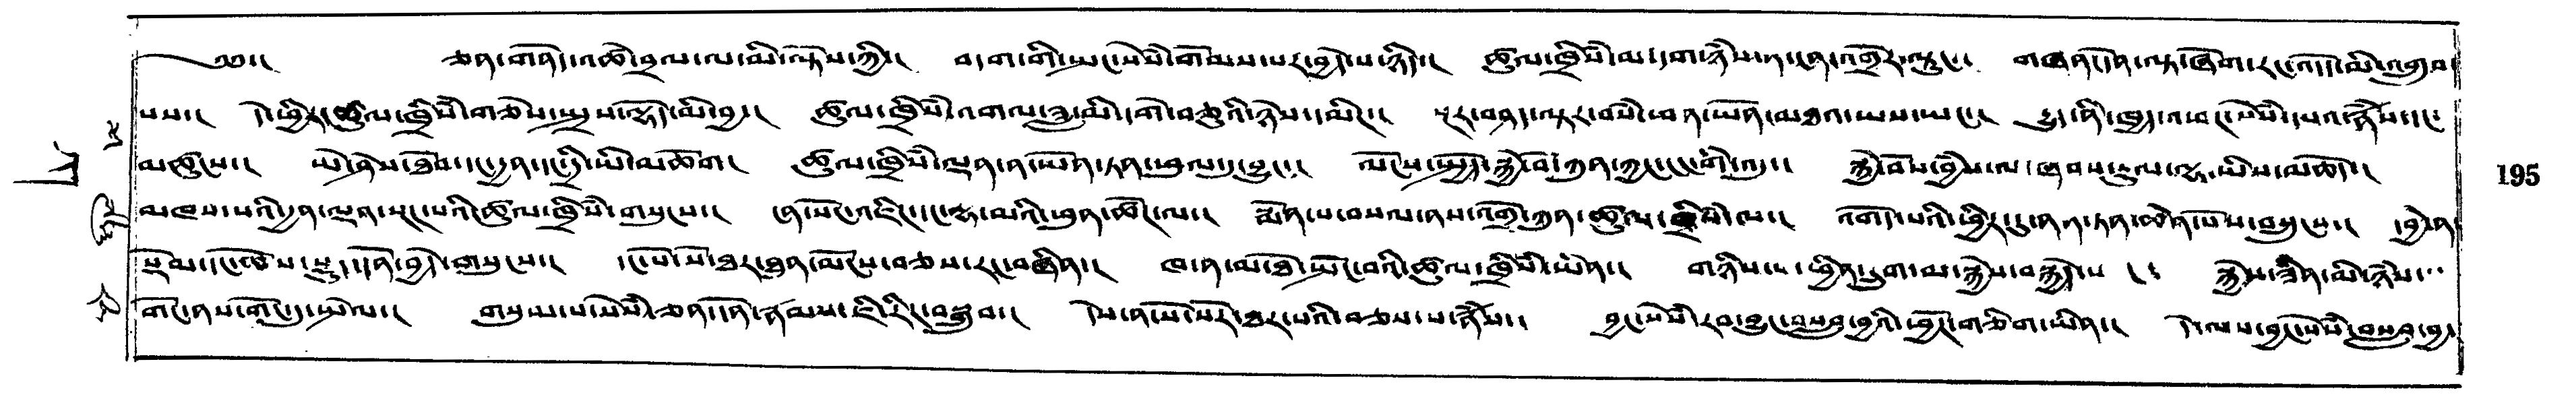ཅན་གནོད་འཚེ་བྲལ་ལ་མི་ལྟོས་ཀྱི། །བདག་གིས་སྤང་སེམས་གོམས་པར་བྱེད་པ་ཉིད། །ཚུལ་ཁྲིམས་མ་དག་ཉམས་ན་ངན་འགྲོར་ལྟུང་། །གཞན་དོན་ལྟ་ཞོག་རང་འདོད་མི་འགྲུབ་
པས། །དེ་ཕྱིར་ཚུལ་ཁྲིམས་གཅེས་སྤྲས་ལྷོད་མི་བྱ། །ཚུལ་ཁྲིམས་འགལ་ཟླ་མི་དགེ་བཅུའི་ཉེས་དམིགས། །སྔར་བཤད་ལྟར་བསམ་ཕན་ཡོན་མཐའ་ཡས་ཀྱང་། །རྒྱུད་ནི་ཁྱད་འཕགས་སེམས་དཔའ་རྣམས་དང་
མཚུངས། །ཡེ་ཤེས་ཐོབ་དང་རྒྱན་དང་དྲི་ཡི་མཆོག།ཚུལ་ཁྲིམས་ལྡན་ན་ཡོན་ཏན་ཕུལ་དུ་བྱུང་། །ལོངས་སྤྱོད་སྐྱེ་བོ་ཀུན་ཀྱང་ངང་གི་འདུ། །སྐྱེ་བོས་བྱམས་ལ་ཞབས་རྡུལ་ལྷ་ཡིས་མཆོད། །
མཁས་པའི་རྒྱན་ལྡན་སྔགས་པའི་ཚུལ་ཁྲིམས་གསུངས། །ངན་སོང་འཇིགས་དང་ལྷ་མིའི་ཕུན་ཚོགས་ལ། །སྨོན་པ་བསལ་ནས་འགྲོ་ཀུན་ཚུལ་ཁྲིམས་ལ། །འགོད་པའི་ཕྱིར་དུ་ནན་ཏན་ཆེན་པོས་བསྲུངས། །དབྱེ་ན་
སྡོམ་དང་ཆོས་སྡུད་དོན་བྱེད་གསུངས། །དང་པོ་སོ་ཐར་ཐུན་མོང་བཅས་རང་བཞིན། །ཁ་ན་མ་ཐོ་སྤོང་བའི་ཚུལ་ཁྲིམས་ཡིན། །གཉིས་པ་ཕྱིན་དྲུག་མ་སྐྱེས་བསྐྱེད་པ་དང་། །སྐྱེས་ཟིན་མི་ཉམས་
གོང་ནས་གོང་དུ་སྤེལ། །གསུམ་པ་སེམས་ཅན་དོན་རྣམས་ཇི་རིགས་བསྒྲུབ། །དེས་ན་སོ་སོར་ཐར་པའི་བཅས་པ་རྣམས། །བྱང་སེམས་རབ་བྱུང་བསླབ་བྱའི་ཕྱོགས་གཅིག་ཡིན། །དེ་ལས་བྱང་སེམས་བསླབ་བྱ་